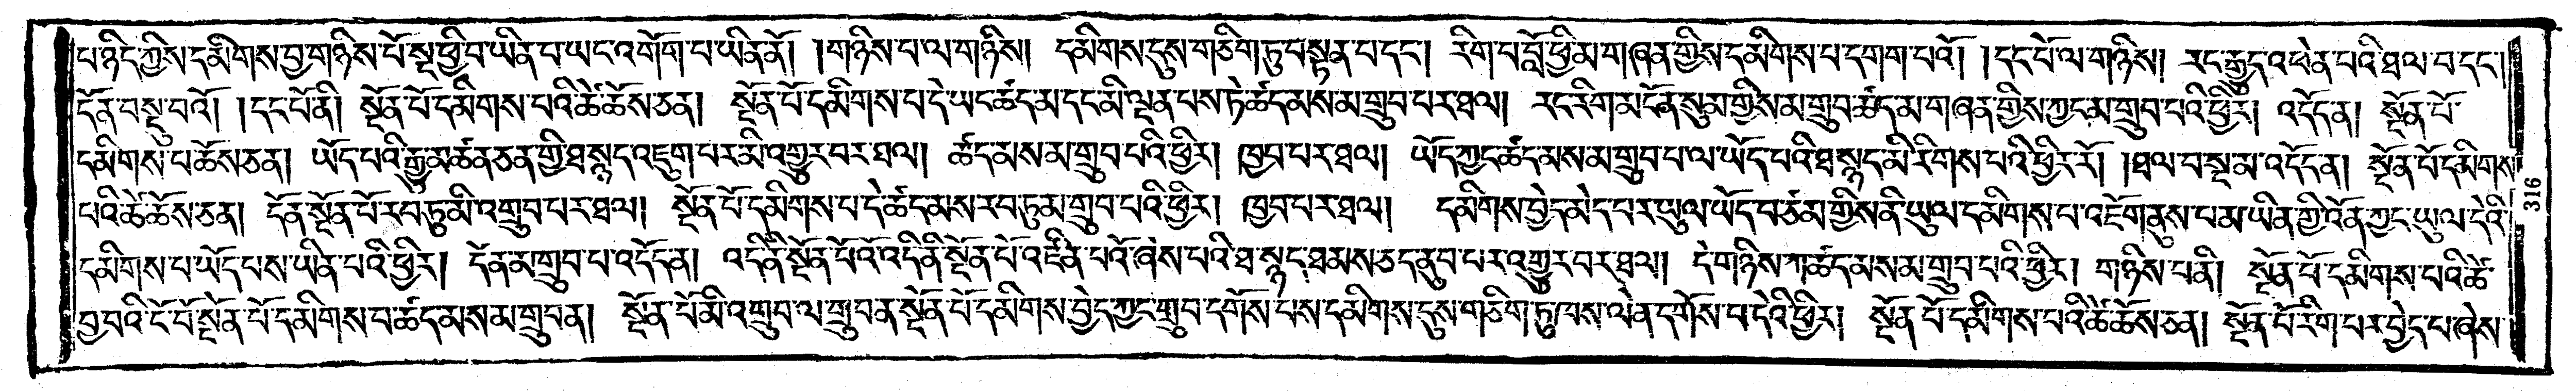པ་ཉིད་ཀྱིས་དམིགས་བྱ་གཉིས་པོ་སྔ་ཕྱི་བ་ཡིན་པ་ཡང་འགོག་པ་ཡིན་ནོ། །གཉིས་པ་ལ་གཉིས། དམིགས་དུས་གཅིག་ཏུ་བསྟན་པ་དང་། རིག་པ་བློ་ཕྱི་མ་གཞན་གྱིས་དམིགས་པ་དགག་པའོ། །དང་པོ་ལ་གཉིས། རང་རྒྱུད་འཕེན་པའི་ཐལ་བ་དང་།
དོན་བསྡུ་བའོ། །དང་པོ་ནི། སྔོན་པོ་དམིགས་པའི་ཚེ་ཆོས་ཅན། སྔོན་པོ་དམིགས་པ་དེ་ཡང་ཚད་མ་དང་མི་ལྡན་པས་ཏེ་ཚད་མས་མ་གྲུབ་པར་ཐལ། རང་རིག་མངོན་སུམ་གྱིས་མ་གྲུབ་ཚད་མ་གཞན་གྱིས་ཀྱང་མ་གྲུབ་པའི་ཕྱིར། འདོད་ན། སྔོན་པོ་
དམིགས་པ་ཆོས་ཅན། ཡོད་པའི་རྒྱུ་མཚན་ཅན་གྱི་ཐ་སྙད་འཇུག་པར་མི་འགྱུར་བར་ཐལ། ཚད་མས་མ་གྲུབ་པའི་ཕྱིར། ཁྱབ་པར་ཐལ། ཡོད་ཀྱང་ཚད་མས་མ་གྲུབ་པ་ལ་ཡོད་པའི་ཐ་སྙད་མི་རིགས་པའི་ཕྱིར་རོ། །ཐལ་བ་སྔ་མ་འདོད་ན། སྔོན་པོ་དམིགས་
པའི་ཚེ་ཆོས་ཅན། དོན་སྔོན་པོ་རབ་ཏུ་མི་འགྲུབ་པར་ཐལ། སྔོན་པོ་དམིགས་པ་དེ་ཚད་མས་རབ་ཏུ་མ་གྲུབ་པའི་ཕྱིར། ཁྱབ་པར་ཐལ། དམིགས་བྱེད་མེད་པར་ཡུལ་ཡོད་པ་ཙམ་གྱིས་ནི་ཡུལ་དམིགས་པ་འཇོག་ནུས་པ་མ་ཡིན་གྱི་འོན་ཀྱང་ཡུལ་དེའི་
དམིགས་པ་ཡོད་པས་ཡིན་པའི་ཕྱིར། དོན་མ་གྲུབ་པ་འདོད་ན། འདི་ནི་སྔོན་པོའོ་འདི་ནི་སྔོན་པོ་འཛིན་པའོ་ཞེས་པའི་ཐ་སྙད་ཐམས་ཅད་ནུབ་པར་འགྱུར་བར་ཐལ། དེ་གཉིས་ཀ་ཚད་མས་མ་གྲུབ་པའི་ཕྱིར། གཉིས་པ་ནི། སྔོན་པོ་དམིགས་པའི་ཚེ་
བྱ་བའི་ངོ་བོ་སྔོན་པོ་དམིགས་པ་ཚད་མས་མ་གྲུབ་ན། སྔོན་པོ་མི་འགྲུབ་ལ་གྲུབ་ན་སྔོན་པོ་དམིགས་བྱེད་ཀྱང་གྲུབ་དགོས་པས་དམིགས་དུས་གཅིག་ཏུ་ཁས་ལེན་དགོས་པ་དེའི་ཕྱིར། སྔོན་པོ་དམིགས་པའི་ཚེ་ཆོས་ཅན། སྔོན་པོ་རིག་པར་བྱེད་པ་ཞེས་